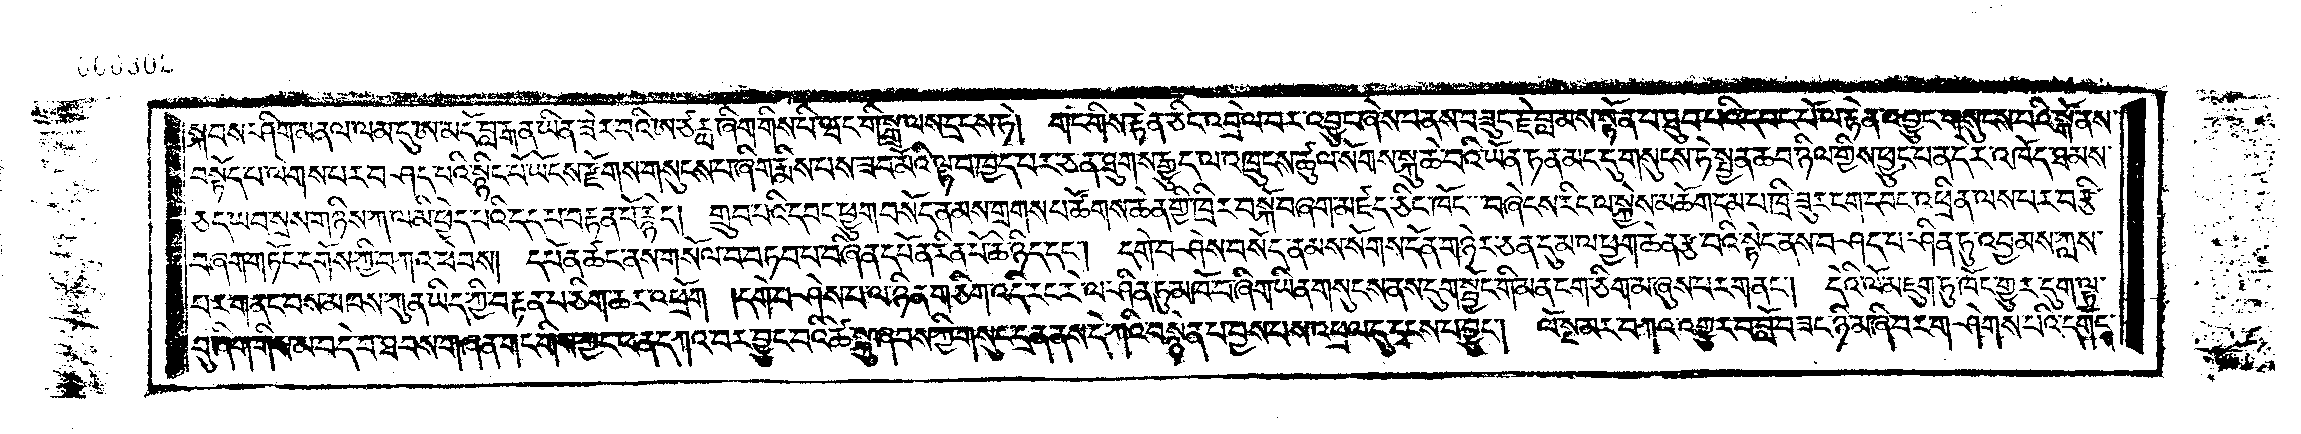སྐབས་ཤིག་མནལ་ལམ་དུ་ཨ་མདོ་བླ་རྒན་ཡིན་ཟེར་བའི་ཨ་ཙརྱ་ཞིག་གིས་པི་ཝང་གི་སྒྲ་ལས་དྲངས་ཏེ། གང་གིས་རྟེན་ཅིང་འབྲེལ་བར་འབྱུང་ཞེས་པ་ནས་བཟུང་རྗེ་བླ་མས་སྟོན་པ་ཐུབ་པའི་དབང་པོ་ལ་རྟེན་འབྱུང་གསུངས་པའི་སྒོ་ནས་
བསྟོད་པ་ལེགས་པར་བཤད་པའི་སྙིང་པོ་ཡོངས་རྫོགས་གསུངས་པ་ཞིག་རྨིས་པས་ཟབ་མོའི་ལྟ་བ་ཁྱད་པར་ཅན་ཐུགས་རྒྱུད་ལ་འཁྲུངས་ཚུལ་སོགས་སྐུ་ཆེ་བའི་ཡོན་ཏན་མང་དུ་གསུངས་ཏེ་སྤྱན་ཆབ་ཉིལ་གྱིས་ཕྱུང་པ་ན་དེར་འཁོད་ཐམས་
ཅད་ཡབ་སྲས་གཉིས་ཀ་ལ་མི་ཕྱེད་པའི་དད་པ་བརྟན་པོ་རྙེད། གྲུབ་པའི་དབང་ཕྱུག་བསོད་ནམས་གྲགས་པ་ཚོགས་ཆེན་གྱི་ཁྲིར་བསྐོ་བཞག་མཛད་ཅིང་ཁོང་བཞེངས་རིང་ལ་སྐྱེས་མཆོག་དམ་པ་ཁྲི་ཟུར་ངག་དབང་འཕྲིན་ལས་པར་བརྩི་
བཞག་གཏོང་དགོས་ཀྱི་བཀའ་ཕེབས། དཔོན་ཚང་ནས་གསོལ་བ་བཏབ་པ་བཞིན་དཔོན་རིན་པོ་ཆེ་ཉིད་དང་། དགེ་བཤེས་བསོད་ནམས་སོགས་དོན་གཉེར་ཅན་དུ་མ་ལ་ཕྱག་ཆེན་རྩ་བའི་སྟེང་ནས་བཤད་པ་ཤིན་ཏུ་འབྱམས་ཀླས་
བར་གནང་བས་མཁས་ཀུན་ཡིད་ཀྱི་བརྟན་པ་ཅིག་ཆར་འཕྲོག །དག་བཤེས་པ་ལ་ཉིན་གཅིག་འདི་རང་རེ་ལ་ཤིན་ཏུ་མཁོ་བ་ཞིག་ཡིན་གསུངས་ནས་དུག་སྦྱོང་གི་མན་ངག་ཅིག་མ་ཞུས་པར་གནང་། དེའི་ལོ་མཇུག་ཏུ་ཁོང་གྱུར་དུག་ལྟ་
བུ་ཞིག་གིས་མ་བདེ་བ་ཐབས་གཞན་གང་གིས་ཀྱང་ཕན་དཀའ་བར་བྱུང་བའི་ཚེ་སྐུ་ཞབས་ཀྱི་གསུང་དྲན་ནས་དེ་ཀའི་བསྙེན་པ་བྱས་པས་འཕྲལ་དུ་དྲངས་པ་བྱུང་། ལོ་སྔ་མར་བཀའ་འགྱུར་བ་བློ་བཟང་ཉི་མ་ཞི་བར་གཤེགས་པའི་དགོངས་